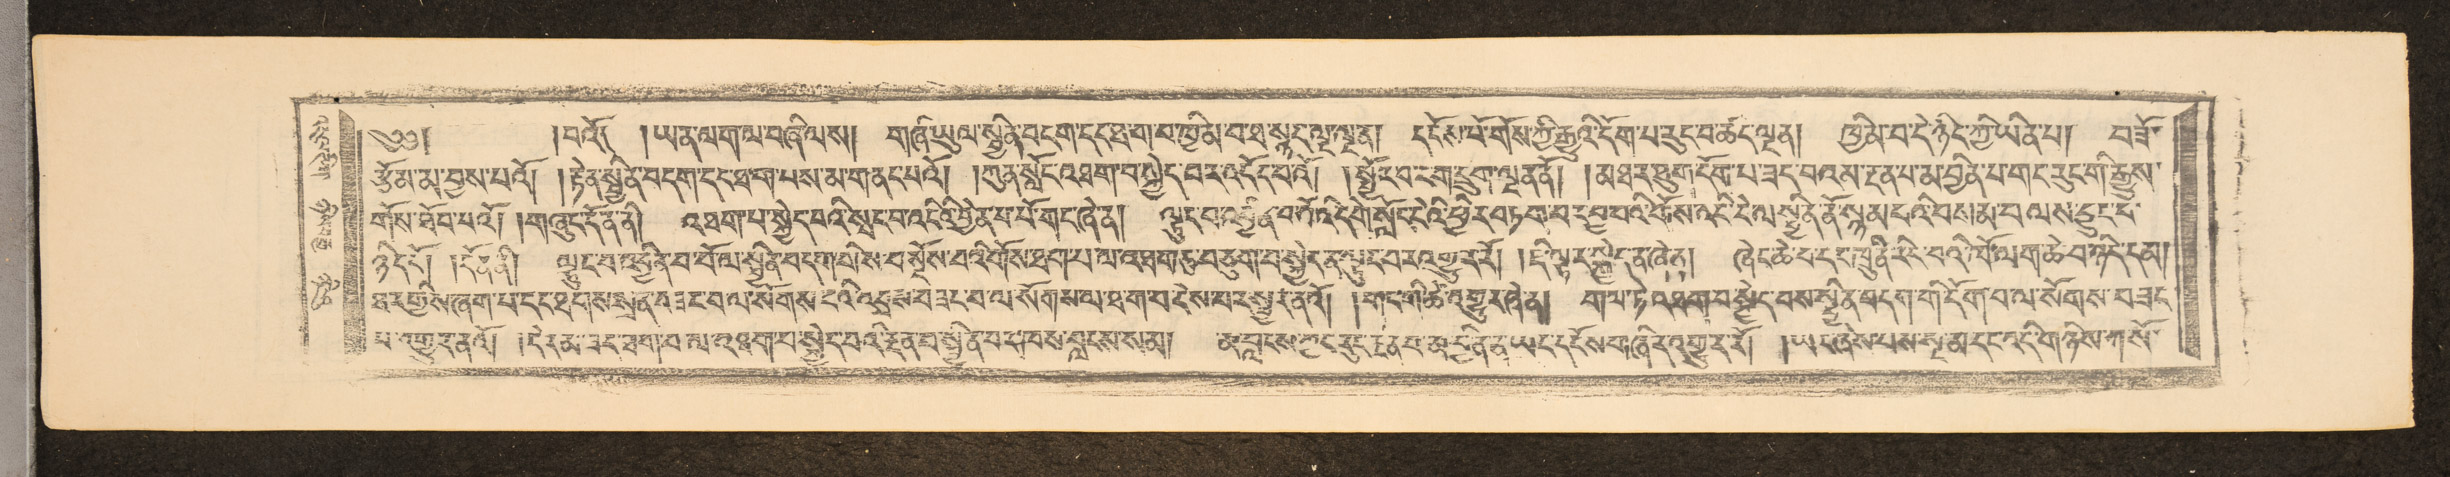༄༅། །པའོ༑ །ཡན་ལག་ལ་བཞི་ལས། གཞི་ཡུལ་སྦྱིན་བདག་དང་ཐ་ག་པ་ཁྱིམ་པ་ཐ་སྙད་ལྔ་ལྡན། དངོས་པོ་གོས་ཀྱི་རྒྱུའི་དོག་པ་རུང་བ་ཚད་ལྡན། ཁྱིམ་པ་དེ་ཉིད་ཀྱི་ཡིན་པ། བཟོ་
རྩོམ་པའི་བྱས་པའོ། །རྟེན་སྦྱིན་བདག་དང་ཐ་ག་པས་མ་གནང་བའོ། །ཀུན་སློང་འཐག་པ་སྐྱེད་པར་འདོད་པའོ། །སྦྱོར་བ་དག་དྲུག་ལྡན་ནོ། །མཐར་ཐུག་དོག་པ་ཟད་པའམ་རྔན་པ་མ་བྱིན་པ་གང་རུང་གི་རྒྱུས་
གོས་ཐོབ་པའོ། །གཞུང་དོན་ནི། འཐག་པ་སྐྱེད་བའི་སྤང་བ་འདིའི་བྱིན་པ་པོ་གང་ཞེ་ན། ལྟུང་བ་འབྱིན་པ་པོའི་དགེ་སློང་དེའི་ཕྱིར་བཏག་པར་བྱ་བའི་གོས་འདི་དེ་ལ་སྦྱིན་ནོ་སྙམ་པའི་བསམ་པ་ལས་བྱུང་བ་
ཉིད་དོ། །དོན་ནི། ལྟུང་བ་འབྱིན་པ་པོ་ལ་སྦྱིན་བདག་གིས་བསྔོས་པའི་གོས་ཐག་པ་ལ་འཐག་ཏུ་བཅུག་པ་སྐྱེད་ན་ལྟུང་བར་འགྱུར་རོ། །ཇི་ལྟར་སྐྱེད་ན་ཞེ་ན། ཞེད་ཆེ་བ་དང་ཁྲུན་རིང་བའི་ཁོ་ལག་ཆེ་བ་ཉིད་དམ།
ཐར་གྱིས་ཞག་པ་དད་ཐགས་སྲན་བ་རང་བ་ལ་སོགས་པའི་འབྲས་བཟང་བ་ལ་སོགས་ལ་ཐག་པ་ངེས་པར་སྦྱར་ནའོ། །གང་གི་ཚེ་འགྱུར་ཞེ་ན། གལ་ཏེ་འཐག་པ་སྐྱེད་པས་སྦྱིན་བདག་གི་དོག་པ་ལ་སོགས་པ་ཟད་
པར་གྱུར་ནའོ། །དེར་མ་ཟད་ཐག་པ་ལ་འཐག་པ་སྐྱེད་པའི་རྔན་པ་སྦྱིན་པར་ཁས་བླངས་སམ། མ་བླངས་ཀྱང་རུང་རྔན་པ་མ་བྱིན་ན་ཡང་དངོས་གཞིར་འགྱུར་རོ། །ཡང་ཞེས་པས་སྔ་མ་དང་འདི་གཉིས་ཀ་སོ་